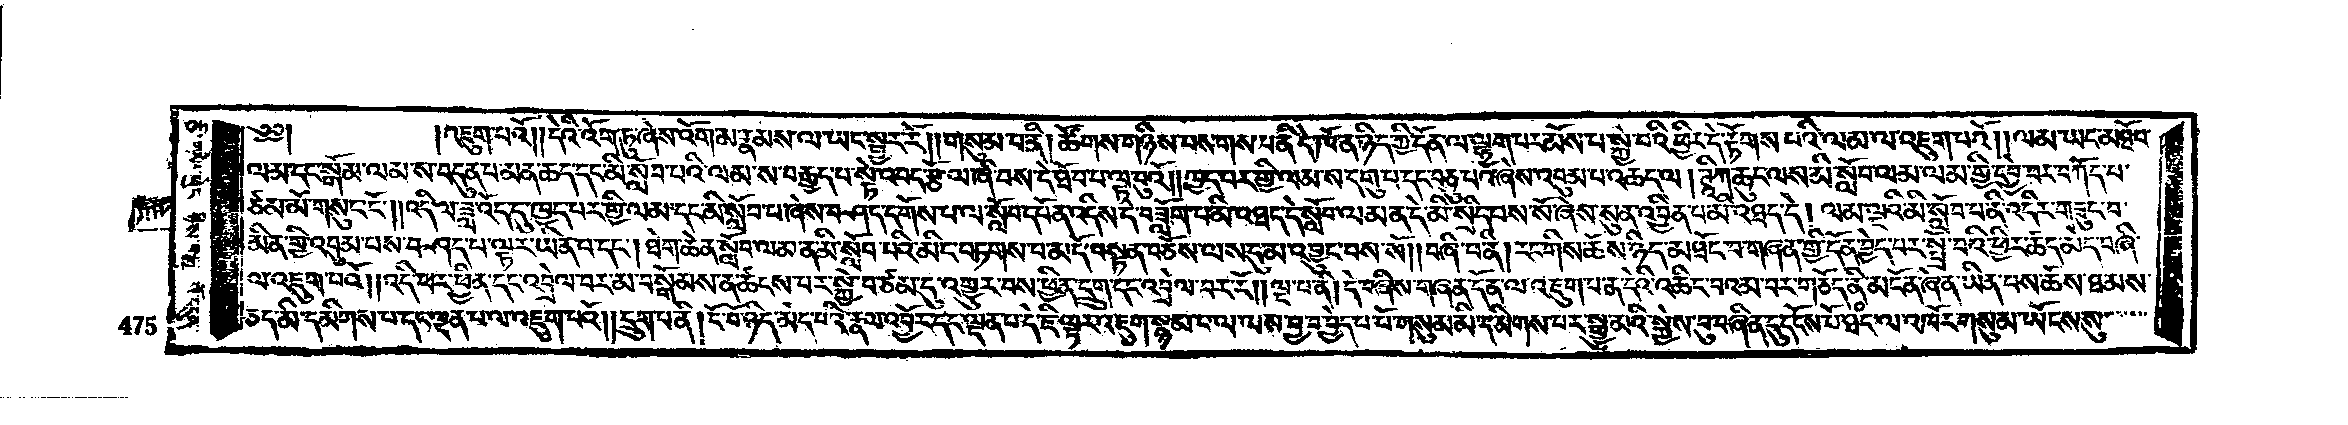༄༅། །འཇུག་པའོ། །དེའི་འོག་ཏུ་ཞེས་འོག་མ་རྣམས་ལ་ཡང་སྦྱར་རོ། །གསུམ་པ་ནི། ཚོགས་གཉིས་བསགས་པ་ནི་དེ་ཁོ་ན་ཉིད་ཀྱི་དོན་ལ་ལྷག་པར་མོས་པ་སྐྱེ་བའི་ཕྱིར་དེ་རྟོགས་པའི་ལམ་ལ་འཇུག་པའོ། །ལམ་ཡང་མཐོང་
ལམ་དང་སྒོམ་ལམ་ས་བདུན་པ་མན་ཆད་དང་མི་སློབ་པའི་ལམ་ས་བརྒྱད་པ་སྟེ་འབད་རྩོལ་ཞི་བས་དེ་ཐོབ་པ་ལྟ་བུའོ། །ཁྱད་པར་གྱི་ལམ་ས་དགུ་པ་དང་བཅུ་པའོ་ཞེས་འབུམ་པ་འཆད་ལ། ཊཱིཀ་ཆུང་ལས་མི་སློབ་ལམ་ལམ་གྱི་དབྱེ་བར་བཀོད་པ་
ཙམ་མོ་གསུང་ངོ། །འདི་ལ་ཟླ་འོད་དུ་ཁྱད་པར་གྱི་ལམ་དང་མི་སློབ་པ་ཞེས་བཤད་དགོས་པ་ལ་སློབ་དཔོན་འདིས་དེ་བཟློག་པ་མི་འཐད་དེ་སློབ་ལམ་ན་དེ་མི་སྲིད་པས་སོ་ཞེས་སུན་འབྱིན་པ་མི་འཐད་དེ། ལམ་ལྔའི་མི་སློབ་པ་ནི་འདིར་གཟུང་བ་
མིན་གྱི་འབུམ་པས་བཤད་པ་ལྟར་ཡིན་པ་དང་། ཐེག་ཆེན་སློབ་ལམ་ན་མི་སློབ་པའི་མིང་བཏགས་པ་མདོ་བསྟན་བཅོས་ལས་དུ་མ་འབྱུང་བས་སོ། །བཞི་པ་ནི། རང་གིས་ཆོས་ཉིད་མཐོང་བ་གཞན་གྱི་དོན་བྱེད་པར་སྤྲོ་བའི་ཕྱིར་ཚད་མེད་བཞི་
ལ་འཇུག་པའོ། །འདི་ཕར་ཕྱིན་དང་འབྲེལ་བར་མ་བསྒོམས་ན་ཚངས་པར་སྐྱེ་བ་ཙམ་དུ་འགྱུར་བས་ཕྱིན་དྲུག་དང་འབྲེལ་བར་རོ། །ལྔ་པ་ནི། དེ་བཞིས་གཞན་དོན་ལ་འཇུག་པ་ན་དེའི་འཆིང་བའམ་བར་གཅོད་ནི་མངོན་ཞེན་ཡིན་པས་ཆོས་ཐམས་
ཅད་མི་དམིགས་པ་དང་ལྡན་པ་ལ་འཇུག་པའོ། །དྲུག་པ་ནི། ངོ་བོ་ཉིད་མེད་པའི་རྣལ་འབྱོར་དང་ལྡན་པ་དེ་ཇི་ལྟར་འཇུག་སྙམ་པ་ལ་ལས་བྱ་བ་བྱེད་པ་པོ་གསུམ་མི་དམིགས་པར་སྒྱུ་མའི་སྐྱེས་བུ་བཞིན་དུ་དངོས་པོ་ཐམས་ཅད་ལ་འཁོར་གསུམ་ཡོངས་སུ་